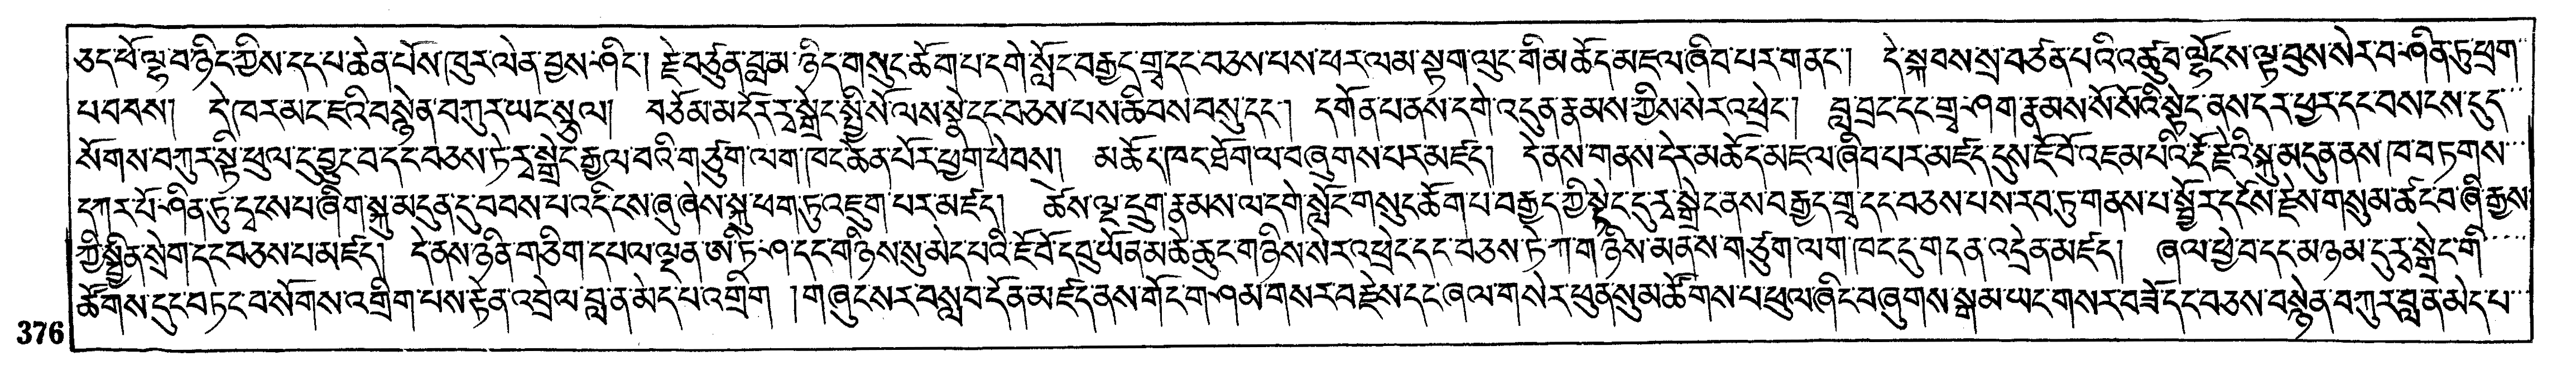ཅད་པོ་ལྷ་བ་ཉིད་ཀྱིས་དང་བ་ཆེན་པོས་ཁུར་ལེན་བྱས་ཤིང་། རྗེ་བཙུན་བླ་མ་ཉིད་གསུང་ཆོག་པ་དགེ་སློང་བརྒྱད་གྲྭ་དང་བཅས་པས་ཕར་ལམ་སྟག་ལུང་གི་མཆོད་མཇལ་ཞིབ་པར་གནང་། དེ་སྐབས་སྲ་བཙན་པའི་འཚུབ་ལྷོངས་ལྟ་བུས་སེར་བ་ཤིན་ཏུ་དྲག་
པ་བབས། དེ་ཁར་མང་ཇའི་བསྙེན་བཀུར་ཡང་སྩལ། བཅོམ་མདོར་རྭ་སྒྲེང་སྤྱི་སོ་ལས་སྣེ་དང་བཅས་པས་ཆིབས་བསུ་དང་། དགོན་པ་ནས་དགེ་འདུན་རྣམས་ཀྱིས་སེར་འཕྲེང་། བླ་བྲང་དང་གྲྭ་ཤག་རྣམས་སོ་སོའི་སྟེང་ནས་དར་ཕྱར་དང་བསངས་དུད་
སོགས་བཀུར་སྟི་ཕུལ་དུ་བྱུང་བ་དང་བཅས་ཏེ་རྭ་སྒྲེང་རྒྱལ་བའི་གཙུག་ལག་ཁང་ཆེན་པོར་ཕྱག་ཕེབས། མཆོད་ཁང་ཐོག་ལ་བཞུགས་པར་མཛད། དེ་ནས་གནས་དེར་མཆོད་མཇལ་ཞིབ་པར་མཛད་དུས་ཇོ་བོ་འཇམ་པའི་རྡོ་རྗེའི་སྐུ་མདུན་ནས་ཁ་བཏགས་
དཀར་པོ་ཤིན་ཏུ་དྭངས་པ་ཞིག་སྐུ་མདུན་དུ་བབས་པ་འདི་ངས་ཞུ་ཞེས་སྐུ་ཕག་ཏུ་འཇུག་པར་མཛད། ཚེས་ལྔ་དྲུག་རྣམས་ལ་དགེ་སློང་གསུང་ཆོག་པ་བརྒྱད་ཀྱི་སྟེང་དུ་རྭ་སྒྲེང་ནས་བརྒྱད་གྲྭ་དང་བཅས་པས་རབ་ཏུ་གནས་པ་སྦྱོར་དངོས་རྗེས་གསུམ་ཚང་བ་ཞི་རྒྱས་
ཀྱི་སྦྱིན་སྲེག་དང་བཅས་པ་མཛད། དེ་ནས་ཉིན་གཅིག་དཔལ་ལྡན་ཨ་ཏི་ཤ་དང་གཉིས་སུ་མེད་པའི་ཇོ་བོ་དབུ་ཡོན་མ་ཆེ་ཆུང་གཉིས་སེར་འཕྲེང་དང་བཅས་ཏེ་ཀ་གཉིས་མ་ནས་གཙུག་ལག་ཁང་དུ་གདན་འདྲེན་མཛད། ཞལ་ཕྱེ་བ་དང་མཉམ་དུ་རྭ་སྒྲེང་གི་
ཚོགས་དུང་བཏང་བ་སོགས་འགྲིག་པས་རྟེན་འབྲེལ་བླ་ན་མེད་པ་འགྲིག །གཞུང་སར་བསླབ་དོན་མཛད་ནས་གོང་གཤམ་གསར་བརྗེས་དང་ཞལ་གསེར་ཕུན་སུམ་ཚོགས་པ་ཕུལ་ཞིང་བཞུགས་སྒམ་ཡང་གསར་བཟོ་དང་བཅས་བསྙེན་བཀུར་བླ་ན་མེད་པ་